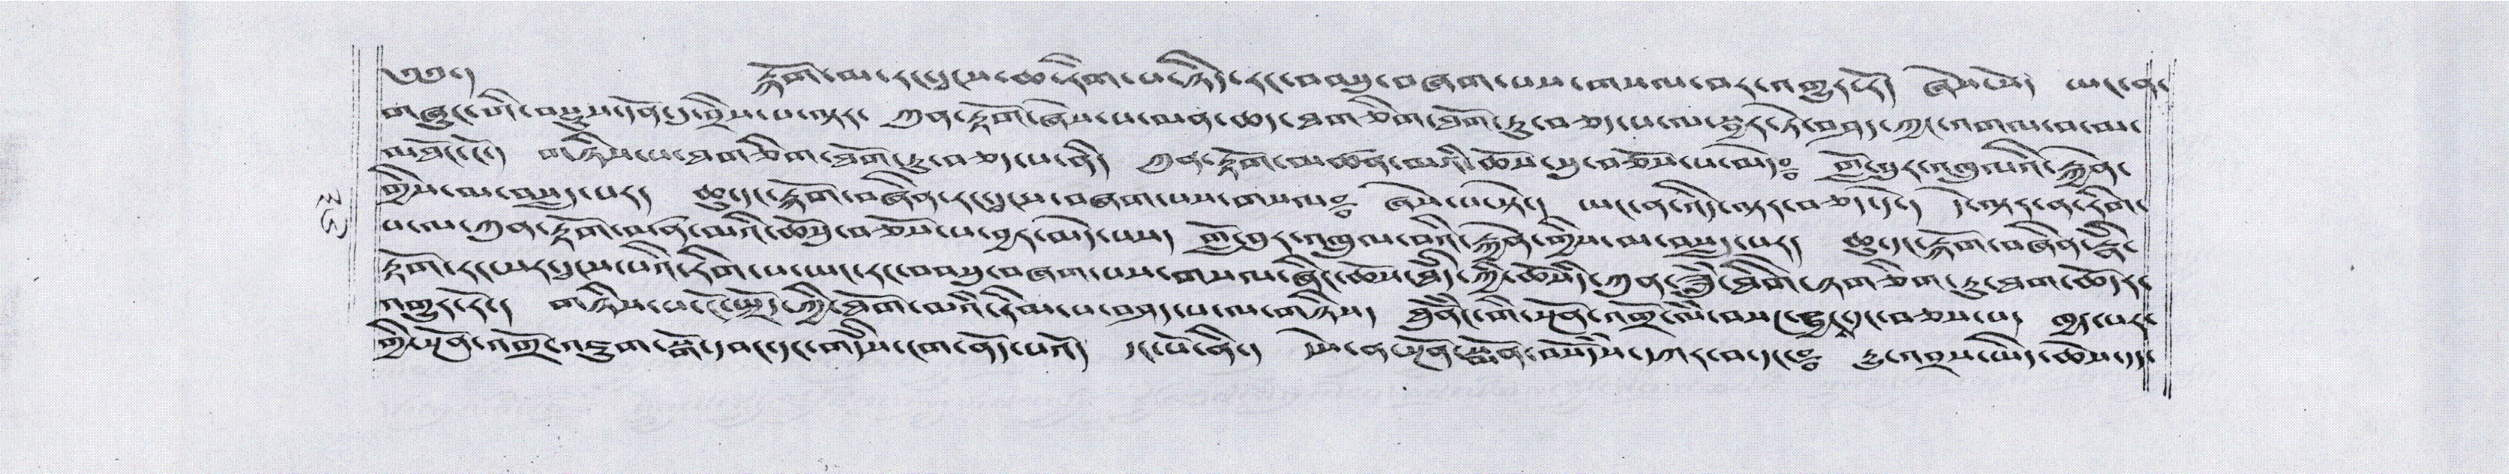རྙོག་མ་རང་དྭངས་ཆ་རིག་པ་ཉིད་རང་བབས་སུ་བཞག་པས་གསལ་བར་འགྱུར་རོ། ཡང་ན་
གཞུང་གི་བསྡུས་དོན་དུ་བྲིས་པ་ལྟར། ཀུན་རྟོག་ཅེས་པ་མན་ཆད་ཐག་གཅིག་ཐོག་ཏུ་བཅད་པ་ལ་སྦྱར་ཏེ་བཤད་ཀྱང་འགལ་བ་མ་
མཐོང་ངོ་། གཉིས་པ་ཐག་གཅིག་ཐོག་ཏུ་བཅད་པ་ནི། ཀུན་རྟོག་མཚན་མའི་ཆོས་སུ་བཅོས་པ་མེདཿ གློ་བུར་འཁྲུལ་པའི་རྐྱེན་
གྱིས་མ་བསླད་པརཿ ཆུ་དང་རྙོག་བཞིན་རང་དྭངས་བཞག་པས་གསལཿ ཞེས་པ་སྟེ། ཡང་ན་འདི་ལྟར་བཅད་དེ། དེ་ལྟར་ན་རིག་
པ་ལ་ཀུན་རྟོག་མཚན་མའི་ཆོས་སུ་བཅོས་པ་བྱར་མེད་པས། གློ་བུར་འཁྲུལ་པའི་རྐྱེན་གྱིས་མ་བསླད་པར། ཆུ་དང་རྙོག་བཞིན་རྣམ་
རྟོག་རང་སར་དྭངས་པའི་རིག་པ་རང་བབས་སུ་བཞག་པས་གསལ་ཞིང་ཆོས་ཐམས་ཅད་ཀྱི་ཆོས་ཉིད་ཀུན་ཟླུམ་ཐིག་ལེ་ཉག་གཅིག་ཏུ་ཐག་ཆོད་པར་
འགྱུར་རོ། གཉིས་པ་ངོ་སྤྲོད་ཀྱི་ཐོག་མའི་རིམ་པ་བཤད་པ་ལ་གཉིས། ཐུན་མོང་གི་སྔོན་འགྲོ་ལ་བསགས་སྦྱང་དང་བཅས་པ། ཁྱད་པར་
གྱི་སྔོན་འགྲོ་འཇུག་སྒོ་དབང་དང་གདམས་ངག་ནོད་པའོ། དང་པོ་ནི། དེས་ན་བསྔོ་སྨོན་བསོད་ནམས་དཀར་བ་དངཿ རྒྱུ་འབྲས་ཡིད་ཆེས་དད་